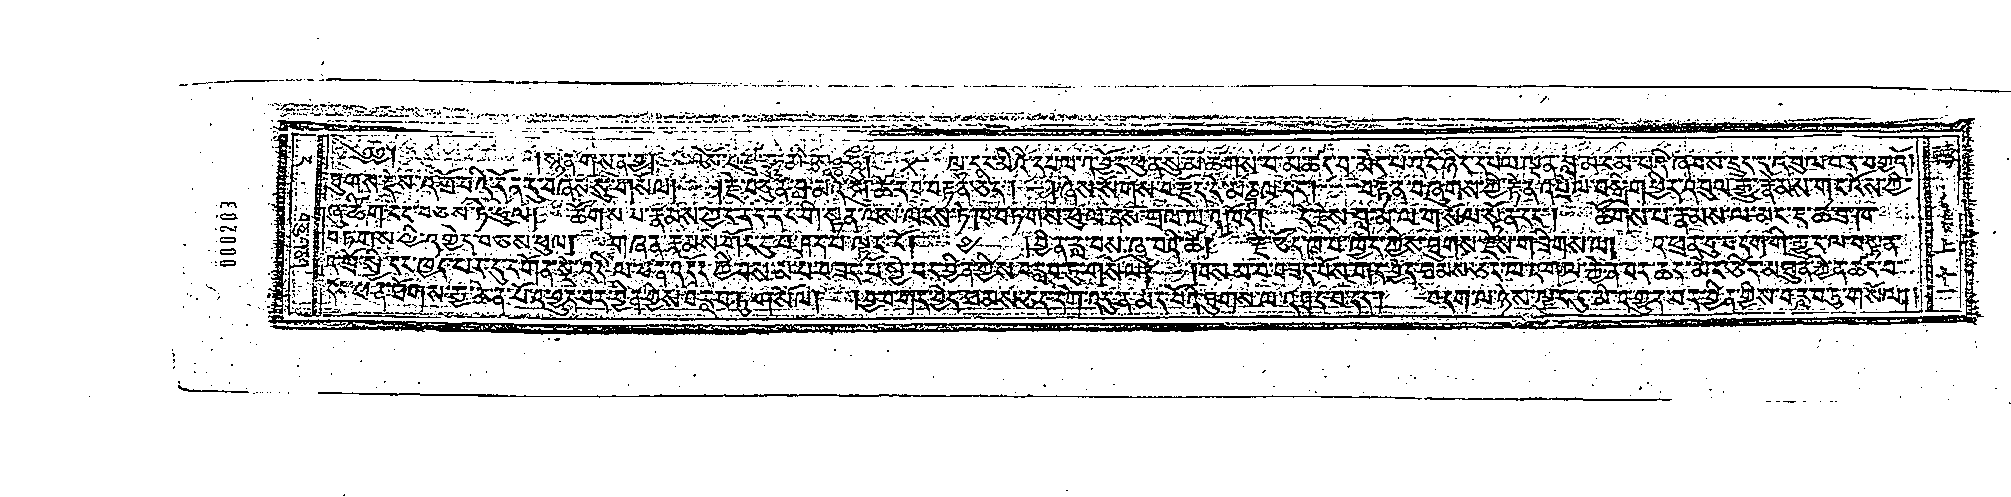༄༅། །སྙན་གསན་བྱ། ཨོཾ་བཛྲ་བྷུ་མི་ཨཱཿ ཧཱུཾ། ྾་ལྷ་དང་མིའི་དཔལ་འབྱོར་ཕུན་སུམ་ཚོགས་པ་མ་ཚང་བ་མེད་པ་འདི་ཉིད་དཔལ་ལྡན་བླ་མ་དམ་པའི་ཞབས་དྲུང་དུ་འབུལ་བར་བགྱིའོ་
ཐུགས་རྗེས་འགྲོ་བའི་དོན་དུ་བཞས་སུ་གསོལ། །རྗེ་བཙུན་བླ་མའི་སྐུ་ཚེ་རབ་བརྟན་ཅིང་། །ཞེས་སོགས་བརྗོད་དེ་མཎྜལ་དང་། བརྟན་བཞུགས་ཀྱི་རྟེན་འབྲེལ་བསྒྲིག་ཕྱིར་འབུལ་རྒྱུ་རྣམས་གང་འོས་ཀྱི་
ཞུ་ཚིག་དང་བཅས་ཏེ་ཕུལ། ཚོགས་པ་རྣམས་ཀྱང་རང་རང་གི་སྟན་ལས་ལངས་ཏེ་ཁ་བཏགས་ཕུལ་ནས་གྲལ་ལ་འཁོར། དེ་རྗེས་བླ་མ་ལ་གསོལ་སྟོན་དང་། ཚོགས་པ་རྣམས་ལ་མང་ཇ་ཆ་བྲ་ཁ་
བཏགས་ཀྱི་འགྱེད་བཅས་ཕུལ། གཞན་རྣམས་གོང་དུ་བཤད་པ་ལྟར་རོ། ༧་།བྱིན་རླ་བས་ཞུ་བའི་ཚེ། རྗེ་ཙོང་ཁ་པ་ཁྱོད་ཀྱིས་ཐུགས་རྗེས་གཟིགས་ལ། འཕྲན་བུ་བདག་གི་རྒྱུད་ལ་བསྟན་
འགྲོ་སྤྱི་དང་ཁྱད་པར་དུ་དགོན་སྡེ་འདི་ལ་ཕན་འདོད་ཀྱི་བས་མ་པ་བཟང་པོ་སྐྱེ་བར་བྱིན་གྱིས་བརླབ་ཏུ་གསོལ། །བསམ་པ་བཟང་པོས་གང་བྱེད་ཐམས་ཅད་ལ་འགལ་རྐྱེན་བར་ཆད་མེད་ཅིང་མཐུན་རྐྱེན་ཚད་བ་
དང་ཕན་ཐོགས་རྒྱ་ཆེན་པོ་འབྱུང་བར་བྱིན་གྱིས་བརླབ་ཏུ་གསོལ། །བྱ་བ་གང་བྱེད་ཐམས་ཅད་དགེ་འདུན་མང་པོའི་ཐུགས་ལ་འཐང་པ་དང་། བདག་ལ་ཉེས་ལྟུང་དུ་མི་འགྱུར་བར་བྱིན་གྱིས་བརླབ་ཏུ་གསོལ། །